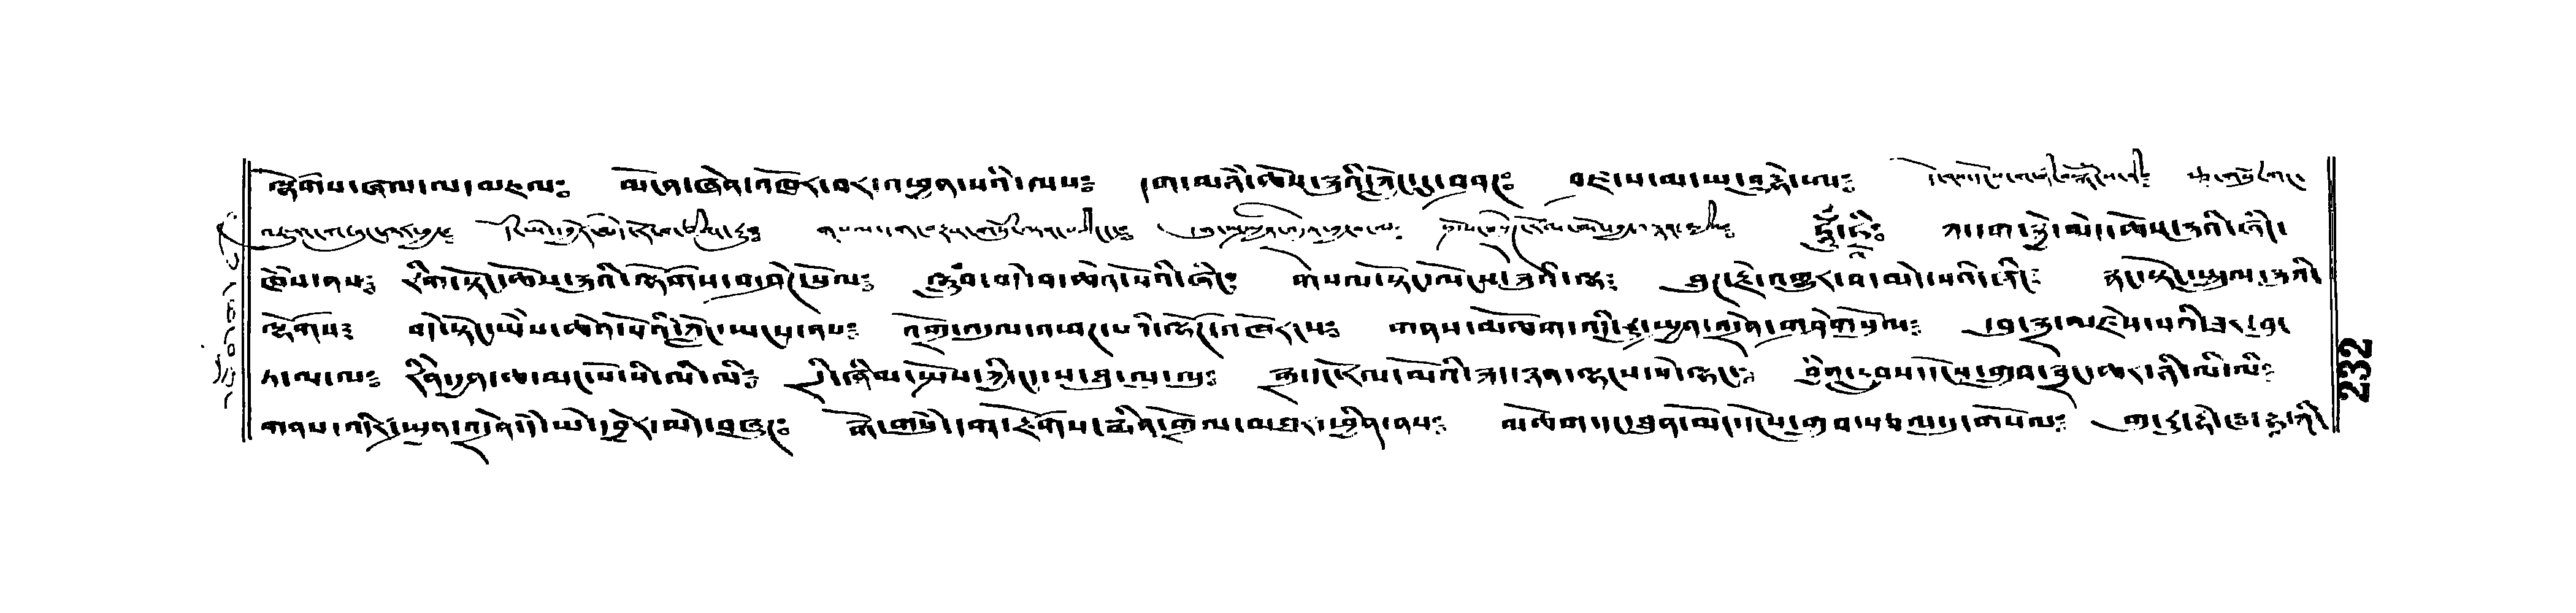ལྷ་ཚོགས་ཞལ་མ་མཇལ༔ མངོན་ཞེན་འཁོར་བར་འཕྱན་པའི་ལས༔ དག་མཉམ་ཆོས་སྐུའི་ཀློང་དུ་བཤགསཿ བཛྲ་ས་མ་ཡ་ཤུདྷེ་ཨཱཿ དེ་ནས་དངོས་གཞི་སྒོམ་པ་ནི༔ རྩ་གསུམ་
གང་འཇུག་གཞུང་ལྟར་བྱ༔ དམ་ཡེ་དབྱེར་མེད་རོ་གཅིག་ཏུ༔ གསལ་དག་བརྟན་གསུམ་ལྡན་པའི་ངང༔ དགུ་པ་སྤྱན་འདྲེན་བྱ་བ་ལ༔ སྤོས་བསྲེགས་རོལ་མོད་བྱངས་བསྙན་གྱིས༔ ཧཱུྃ་ཧྲཱིཿ ཀ་དག་སྐྱེ་མེད་ཆོས་སྐུའི་ཞིང་
ཁམས་ནས༔ རིག་སྟོང་ཆོས་སྐུའི་ལྷ་ཚོགས་གཤེགས་སུ་གསོལ༔ ལྷུན་གྲུབ་བདེ་བ་ཆེན་པོའི་ཞིང༴ གསལ་སྟོང་ལོངས་སྐུའི་ལྷ༴ ཐུགས་རྗེ་འགྱུར་བ་མེད་པའི་ཞིང༴ སྣང་སྟོང་སྤྲུལ་སྐུའི་
ལྷ་ཚོགས༴ བདེ་སྟོང་ཡེ་ཤེས་ཆེན་པོའི་ཀློང་ཡངས་ནས༔ འགྲོ་འདུལ་འཕགས་པའི་ལྷ་ཚོགས་འཁོར་དང་བཅས༔ གནས་མཆོག་འདི་རུ་སྤྱན་འདྲེན་གཤེགས་སུ་གསོལ༔ དབུ་སྐྲ་མཛེས་པའི་ཟར་བུ་
ཏ་ལ་ལ༔ རིན་ཆེན་རྒྱན་ཆ་མང་པོ་སི་ལི་ལི༔ དྲི་ཞིམ་སྤོས་ཀྱི་ངད་པ་ཐུ་ལུ་ལུ༔ སྒྲ་དང་རོལ་མོའི་སྐད་སྙན་ལྷངས་སེ་ལྷང༔ བྱིན་རླབས་དངོས་གྲུབ་སྦྲང་ཆར་ཉི་ལི་ལི༔
གནས་འདིར་སྤྱན་འདྲེན་དམ་ཡེ་དབྱེར་མེད་བཞུགས༔ སྒོ་གསུམ་དག་རྫོགས་སྨིན་གྲོལ་མཐར་ཕྱིན་ནས༔ མཆོག་དང་ཐུན་མོང་དངོས་གྲུབ་བསྩལ་དུ་གསོལ༔ གུ་རུ་དྷེ་ཝ་ཌཱ་ཀི་